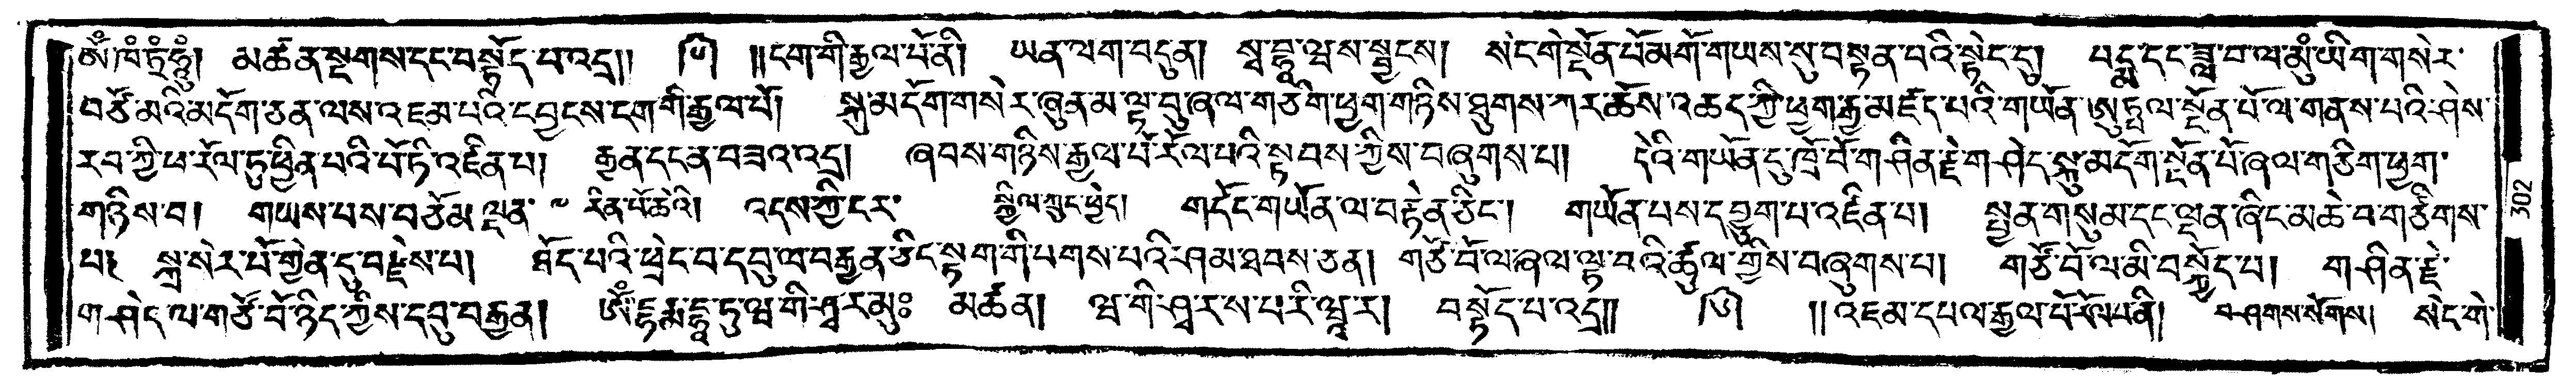ཨོཾ་ཁཾ་ཏྲཾ་ཧཱུཾ། མཚན་སྔགས་དང་བསྟོད་པ་འདྲ།། ༥?་།།ངག་གི་རྒྱལ་པོ་ནི། ཡན་ལག་བདུན། སྭ་བྷཱ་ཝས་སྦྱངས། སེང་གེ་སྔོན་པོ་མགོ་གཡས་སུ་བསྟན་པའི་སྟེང་དུ། པདམ་དང་ཟླ་བ་ལ་མུཾ་ཡིག་གསེར་
བཙོ་མའི་མདོག་ཅན་ལས་འཇམ་པའི་དབྱངས་ངག་གི་རྒྱལ་པོ། སྐུ་མདོག་གསེར་ཞུན་མ་ལྟ་བུ་ཞལ་གཅིག་ཕྱག་གཉིས་ཐུགས་ཀར་ཆོས་འཆད་ཀྱི་ཕྱག་རྒྱ་མཛད་པའི་གཡོན་ཨུཏྤལ་སྔོན་པོ་ལ་གནས་པའི་ཤེས་
རབ་ཀྱི་ཕ་རོལ་ཏུ་ཕྱིན་པའི་པོ་ཏི་འཛིན་པ། རྒྱན་དང་ན་བཟའ་འདྲ། ཞབས་གཉིས་རྒྱལ་པོ་རོལ་པའི་སྟབས་ཀྱིས་བཞུགས་པ། དེའི་གཡོན་དུ་ཁྲོ་བོ་གཤིན་རྗེ་གཤེད་སྐུ་མདོག་སྔོན་པོ་ཞལ་གཅིག་ཕྱག་
གཉིས་བ། གཡས་པས་བཅོམ་ལྡན་༧་རིན་པོ་ཆེའི། འདས་ཀྱི་ངར་སྐྱིལ་ཀྲུང་ཕྱེད། གདོང་གཡོན་ལ་བརྟེན་ཅིང་། གཡོན་པས་དབྱུག་པ་འཛིན་པ། སྤྱན་གསུམ་དང་ལྡན་ཞིང་མཆེ་བ་གཙིགས་
པ༑ སྐྲ་སེར་པོ་གྱེན་དུ་བརྫེས་པ། ཐོད་པའི་ཕྲེང་བ་དབུ་ལ་བརྒྱན་ཅིང་སྟག་གི་པགས་པའི་ཤམ་ཐབས་ཅན། གཙོ་བོ་ལ་ཞལ་ལྷ་བའི་ཚུལ་གྱིས་བཞུགས་པ། གཙོ་བོ་ལ་མི་བསྐྱོད་པ། གཤིན་རྗེ་
གཤེད་ལ་གཙོ་བོ་ཉིད་ཀྱིས་དབུ་བརྒྱན། ཨོཾ་དྷརྨ་དྷཱ་ཏུ་ཝ་གི་ཤྭ་ར་མུཿ མཚན། ཝ་གི་ཤྭ་ར་ས་པ་རི་ཝཱ་ར། བསྟོད་པ་འདྲ།། ༦?་།།འཇམ་དཔལ་རྒྱལ་པོ་རོལ་པ་ནི། བཤགས་སོགས། སེང་གེ་